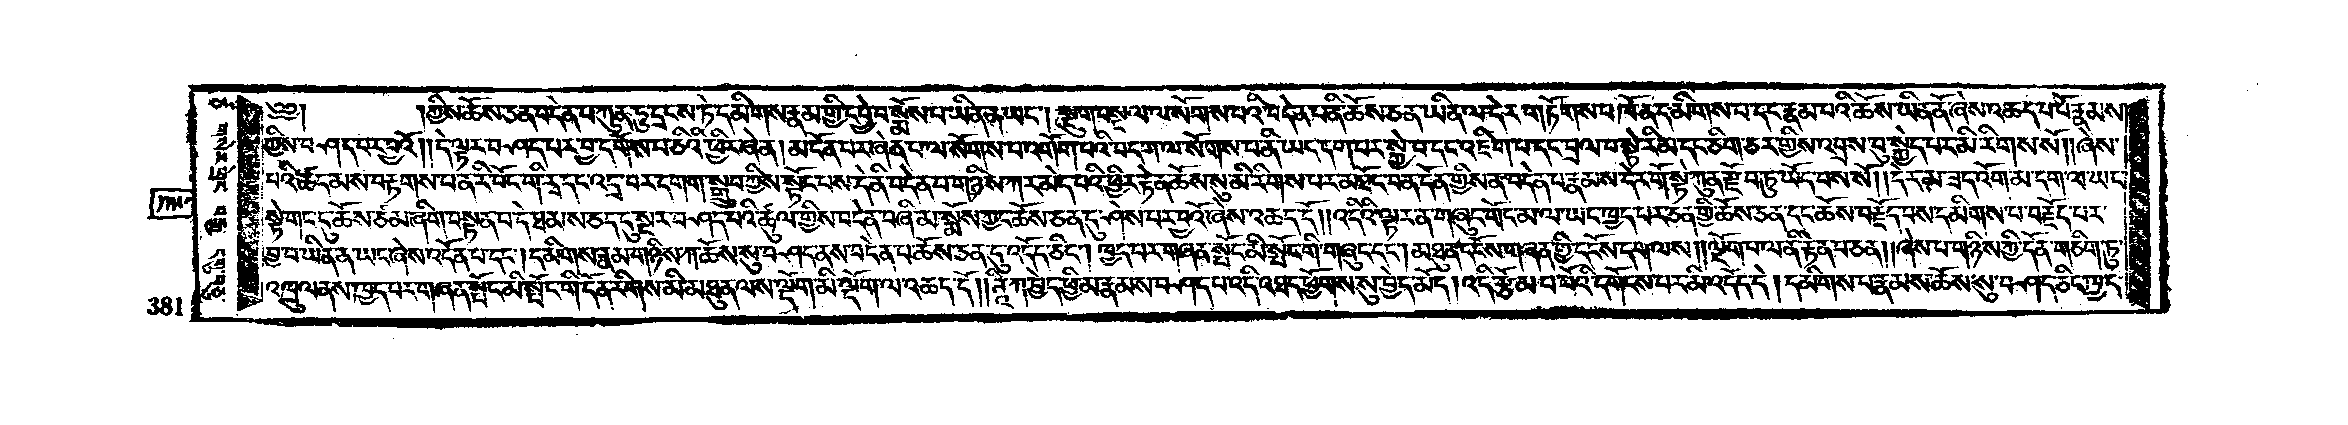༄༅། །ཀྱིས་ཆོས་ཅན་བདེན་པ་ཀུན་ཏུ་དྲང་ཏེ་དམིགས་རྣམ་གྱི་དབྱེ་བ་སྨོས་པ་ཡིན་ན་ཡང་། སྡུག་བསྔལ་ལ་སོགས་པའི་བདེན་པ་ནི་ཆོས་ཅན་ཡིན་ལ་དེར་གཏོགས་པ་ཁོ་ན་དམིགས་པ་དང་རྣམ་པའི་ཆོས་ཡིན་ནོ་ཞེས་འཆད་པ་པོ་རྣམས་
ཀྱིས་བཤད་པར་བྱའོ། །དེ་ལྟར་བཤད་པར་བྱ་དགོས་པ་ཅིའི་ཕྱིར་ཞེ་ན། མངོན་པར་ཞེན་པ་ལ་སོགས་པ་འགོག་པའི་བདག་ལ་སོགས་པ་ནི་ཡང་དག་པར་སྐྱེ་བ་དང་འཇིག་པ་དང་བྲལ་བ་སྟེ་རིམ་དང་ཅིག་ཅར་གྱིས་འབྲས་བུ་སྐྱེད་པར་མི་རིགས་སོ། །ཞེས་
པའི་ཚད་མས་བརྟགས་པ་ན་རི་བོང་གི་རྭ་དང་འདྲ་བར་དགག་སྒྲུབ་ཀྱིས་སྟོང་པས་དེ་ནི་བདེན་པ་གཉིས་ཀར་མེད་པའི་ཕྱིར་རྟེན་ཆོས་སུ་མི་རིགས་པར་མཐོང་བ་ན་དོན་གྱིས་ན་བདེན་པ་རྣམས་དེར་གོ་སྟེ་ཀུན་རྫོབ་ཏུ་ཡོད་པས་སོ། །དེར་མ་ཟད་འོག་མ་དག་ལ་ཡང་
སྟེ་གང་དུ་ཆོས་ཙམ་ཞིག་བསྟན་པ་དེ་ཐམས་ཅད་དུ་སྔར་བཤད་པའི་ཚུལ་གྱིས་བདེན་བཞི་མ་སྨོས་ཀྱང་ཆོས་ཅན་དུ་ཤེས་པར་བྱའོ་ཞེས་འཆད་དོ། །འདིའི་ལྟར་ན་གཞུང་གོང་མ་ལ་ཡང་ཁྱད་པར་ཅན་གྱི་ཆོས་ཅན་དང་ཆོས་བརྗོད་པས་དམིགས་པ་བརྗོད་པར་
བྱ་བ་ཡིན་ན་ཡང་ཞེས་འདོན་པ་དང་། དམིགས་རྣམ་གཉིས་ཀ་ཆོས་སུ་བཤད་ནས་བདེན་པ་ཆོས་ཅན་དུ་འདོད་ཅིང་། ཁྱད་པར་གཞན་སྤོང་མི་སྤོང་གི་གཞུང་དང་། མཐུན་དངོས་གཞན་གྱི་དངོས་དག་ལས། །ལྡོག་པ་ལ་ནི་རྟེན་པ་ཅན། །ཞེས་པ་གཉིས་ཀྱི་དོན་གཅིག་ཏུ་
འཁྲུལ་ནས་ཁྱད་པར་གཞན་སྤོང་མི་སྤོང་གི་དོན་རིགས་མི་མཐུན་ལས་ལྡོག་མི་ལྡོག་ལ་འཆད་དོ། །ཊཱི་ཀ་བྱེད་ཕྱི་མ་རྣམས་བཤད་པ་འདི་འཐད་ཕྱོགས་སུ་བྱེད་མོད། འདི་རྩོམ་པ་པོའི་དགོངས་པར་མི་འདོད་དེ། དམིགས་པ་རྣམས་ཆོས་སུ་བཤད་ཅིང་ཁྱད་